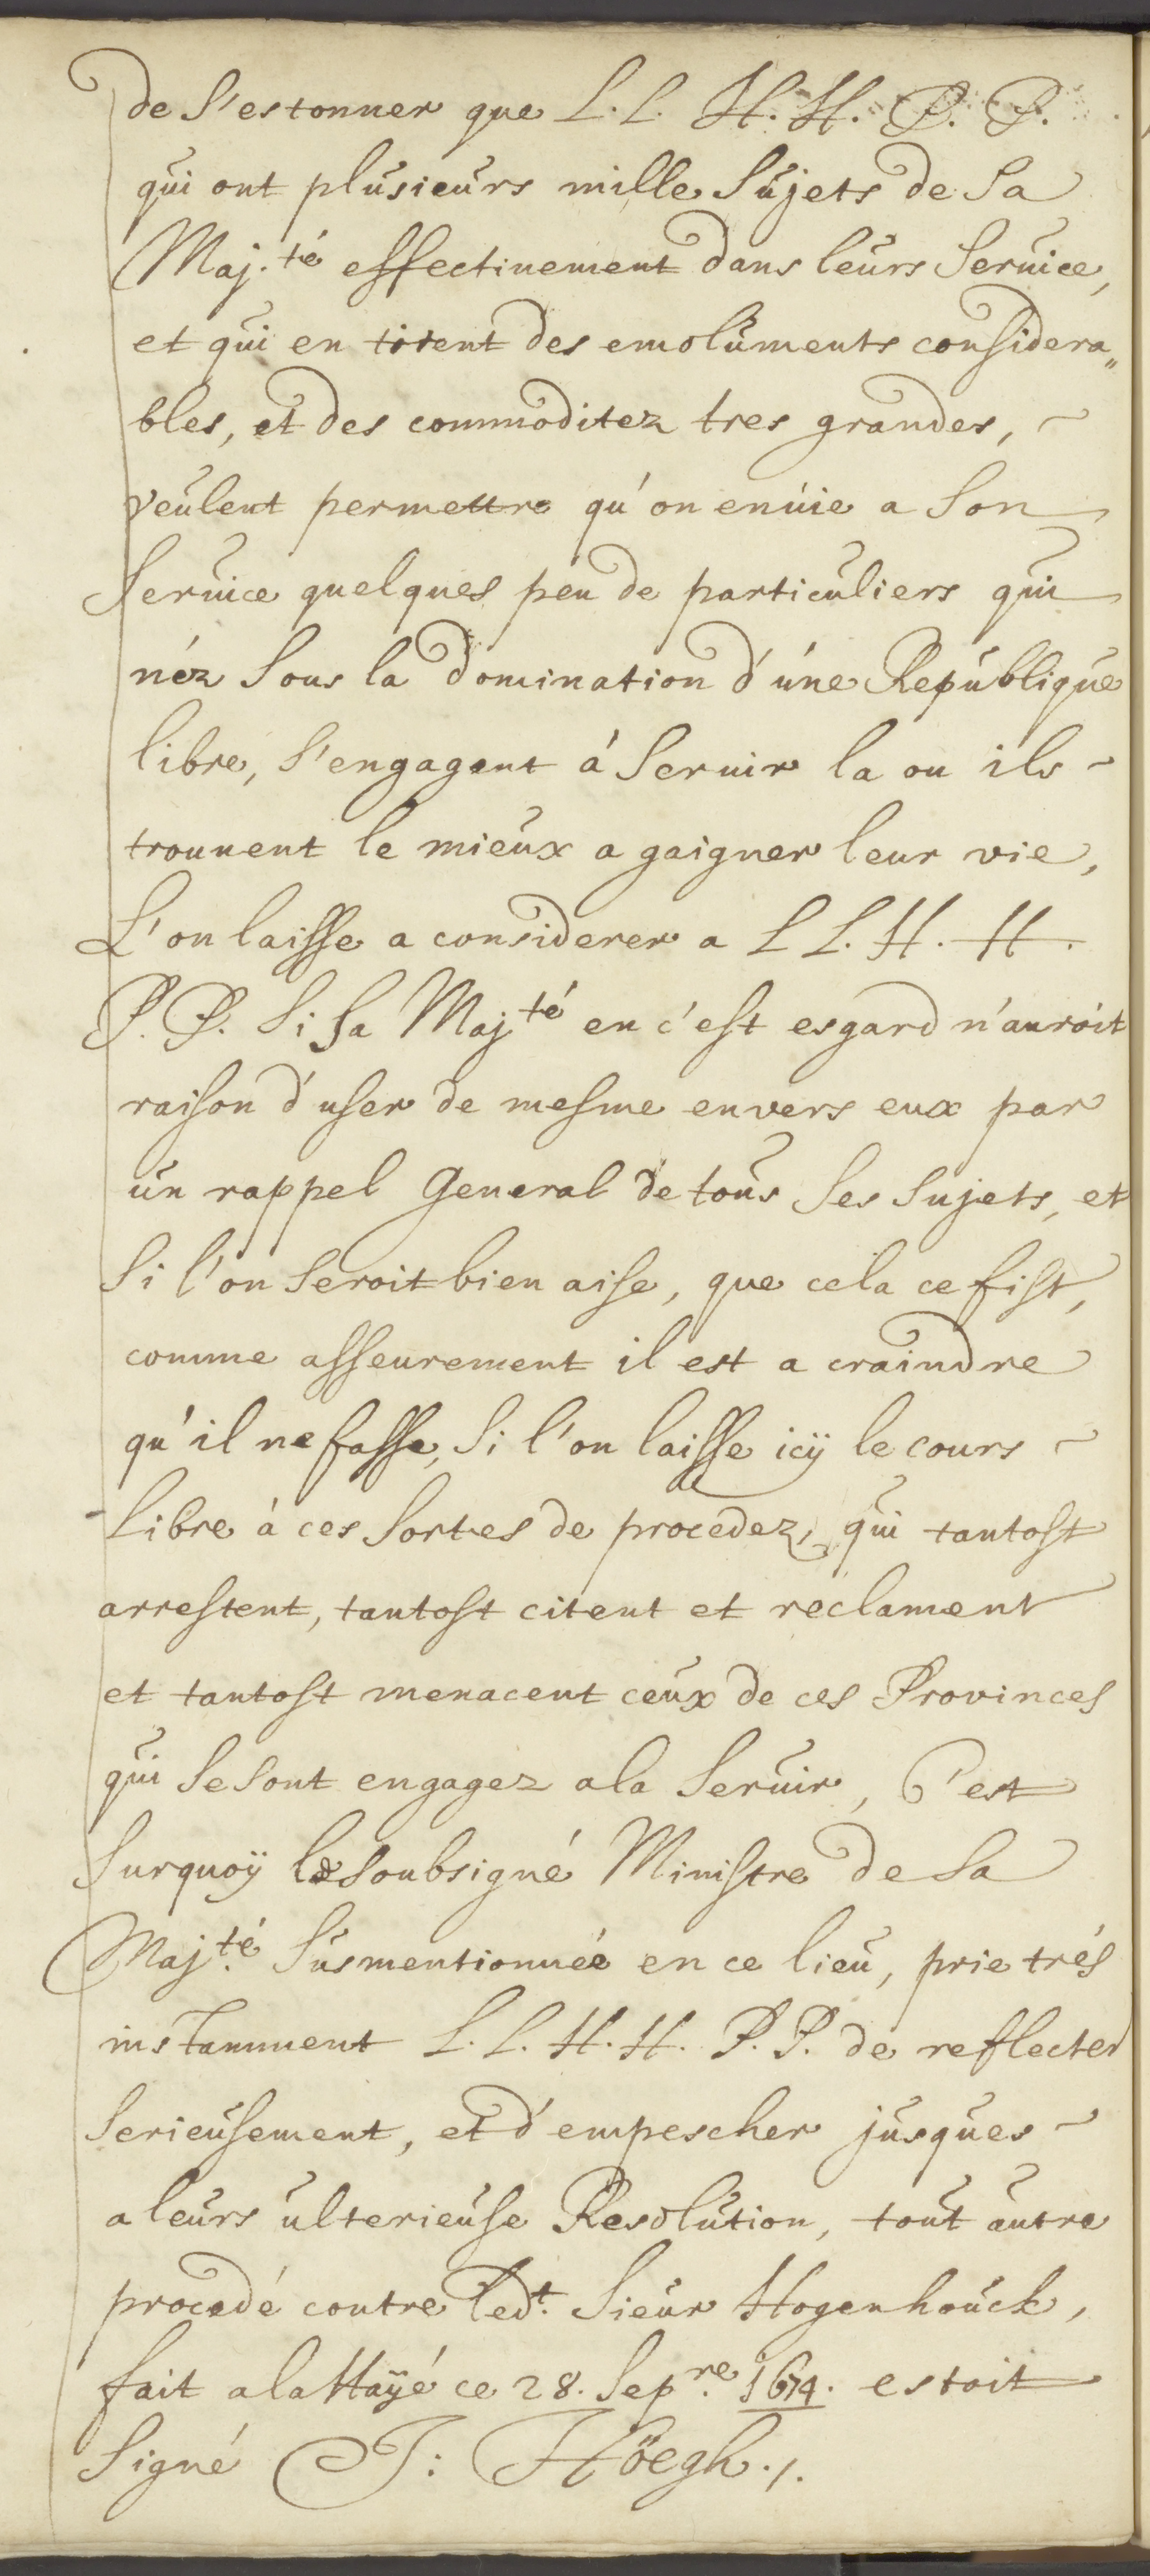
De s‛estonner que L.L. H.H. P.P.
qui ont plusieurs mille sujets de sa
Majte. effectivement dans leurs seruice,
et qui en tirent des emoluments considera„
bles, et des commoditez tres grandes,
veulent permettre qu‛on enuie a son
seruice quelques peu de particuliers qui
néz sous la domination d‛une Republique
libre, s‛engagent a seruir la ou ils
trouvent le mieux a gaigner leur vie,
L‛on laisse a considerer a L.L.H.H.
P.P. si sa Majté en c‛est esgard n'auroit
raison d'user de mesme envers eux par
un rappel General de tous ses sujets, et
si l‛on seroit bien aise, que cela ce fist,
comme asseurement il est a craindre
qu‛il ne fasse, si l‛on laisse icij le cours
Libre á ces sortes de procedez, qui tantost
arrestent, tantost citent et reclament
et tantost menacent ceux de ces Provinces
qui se sont engagez ala seruir. C‛est
surquoij le soubsigné Ministre de sa
Majté. surmentionneé en ce lieu, prie trés
instamment L.L. H. H. P.P. de refleter
serieusement, et d'empescher jusques
a leurs ulterieuse Resolutien, tout autre
procedé contre ledt. sieur Hogenhouck.
fait a la Haijé ce 28. Sepre. 1674. estoit
signé J: Höegh.
